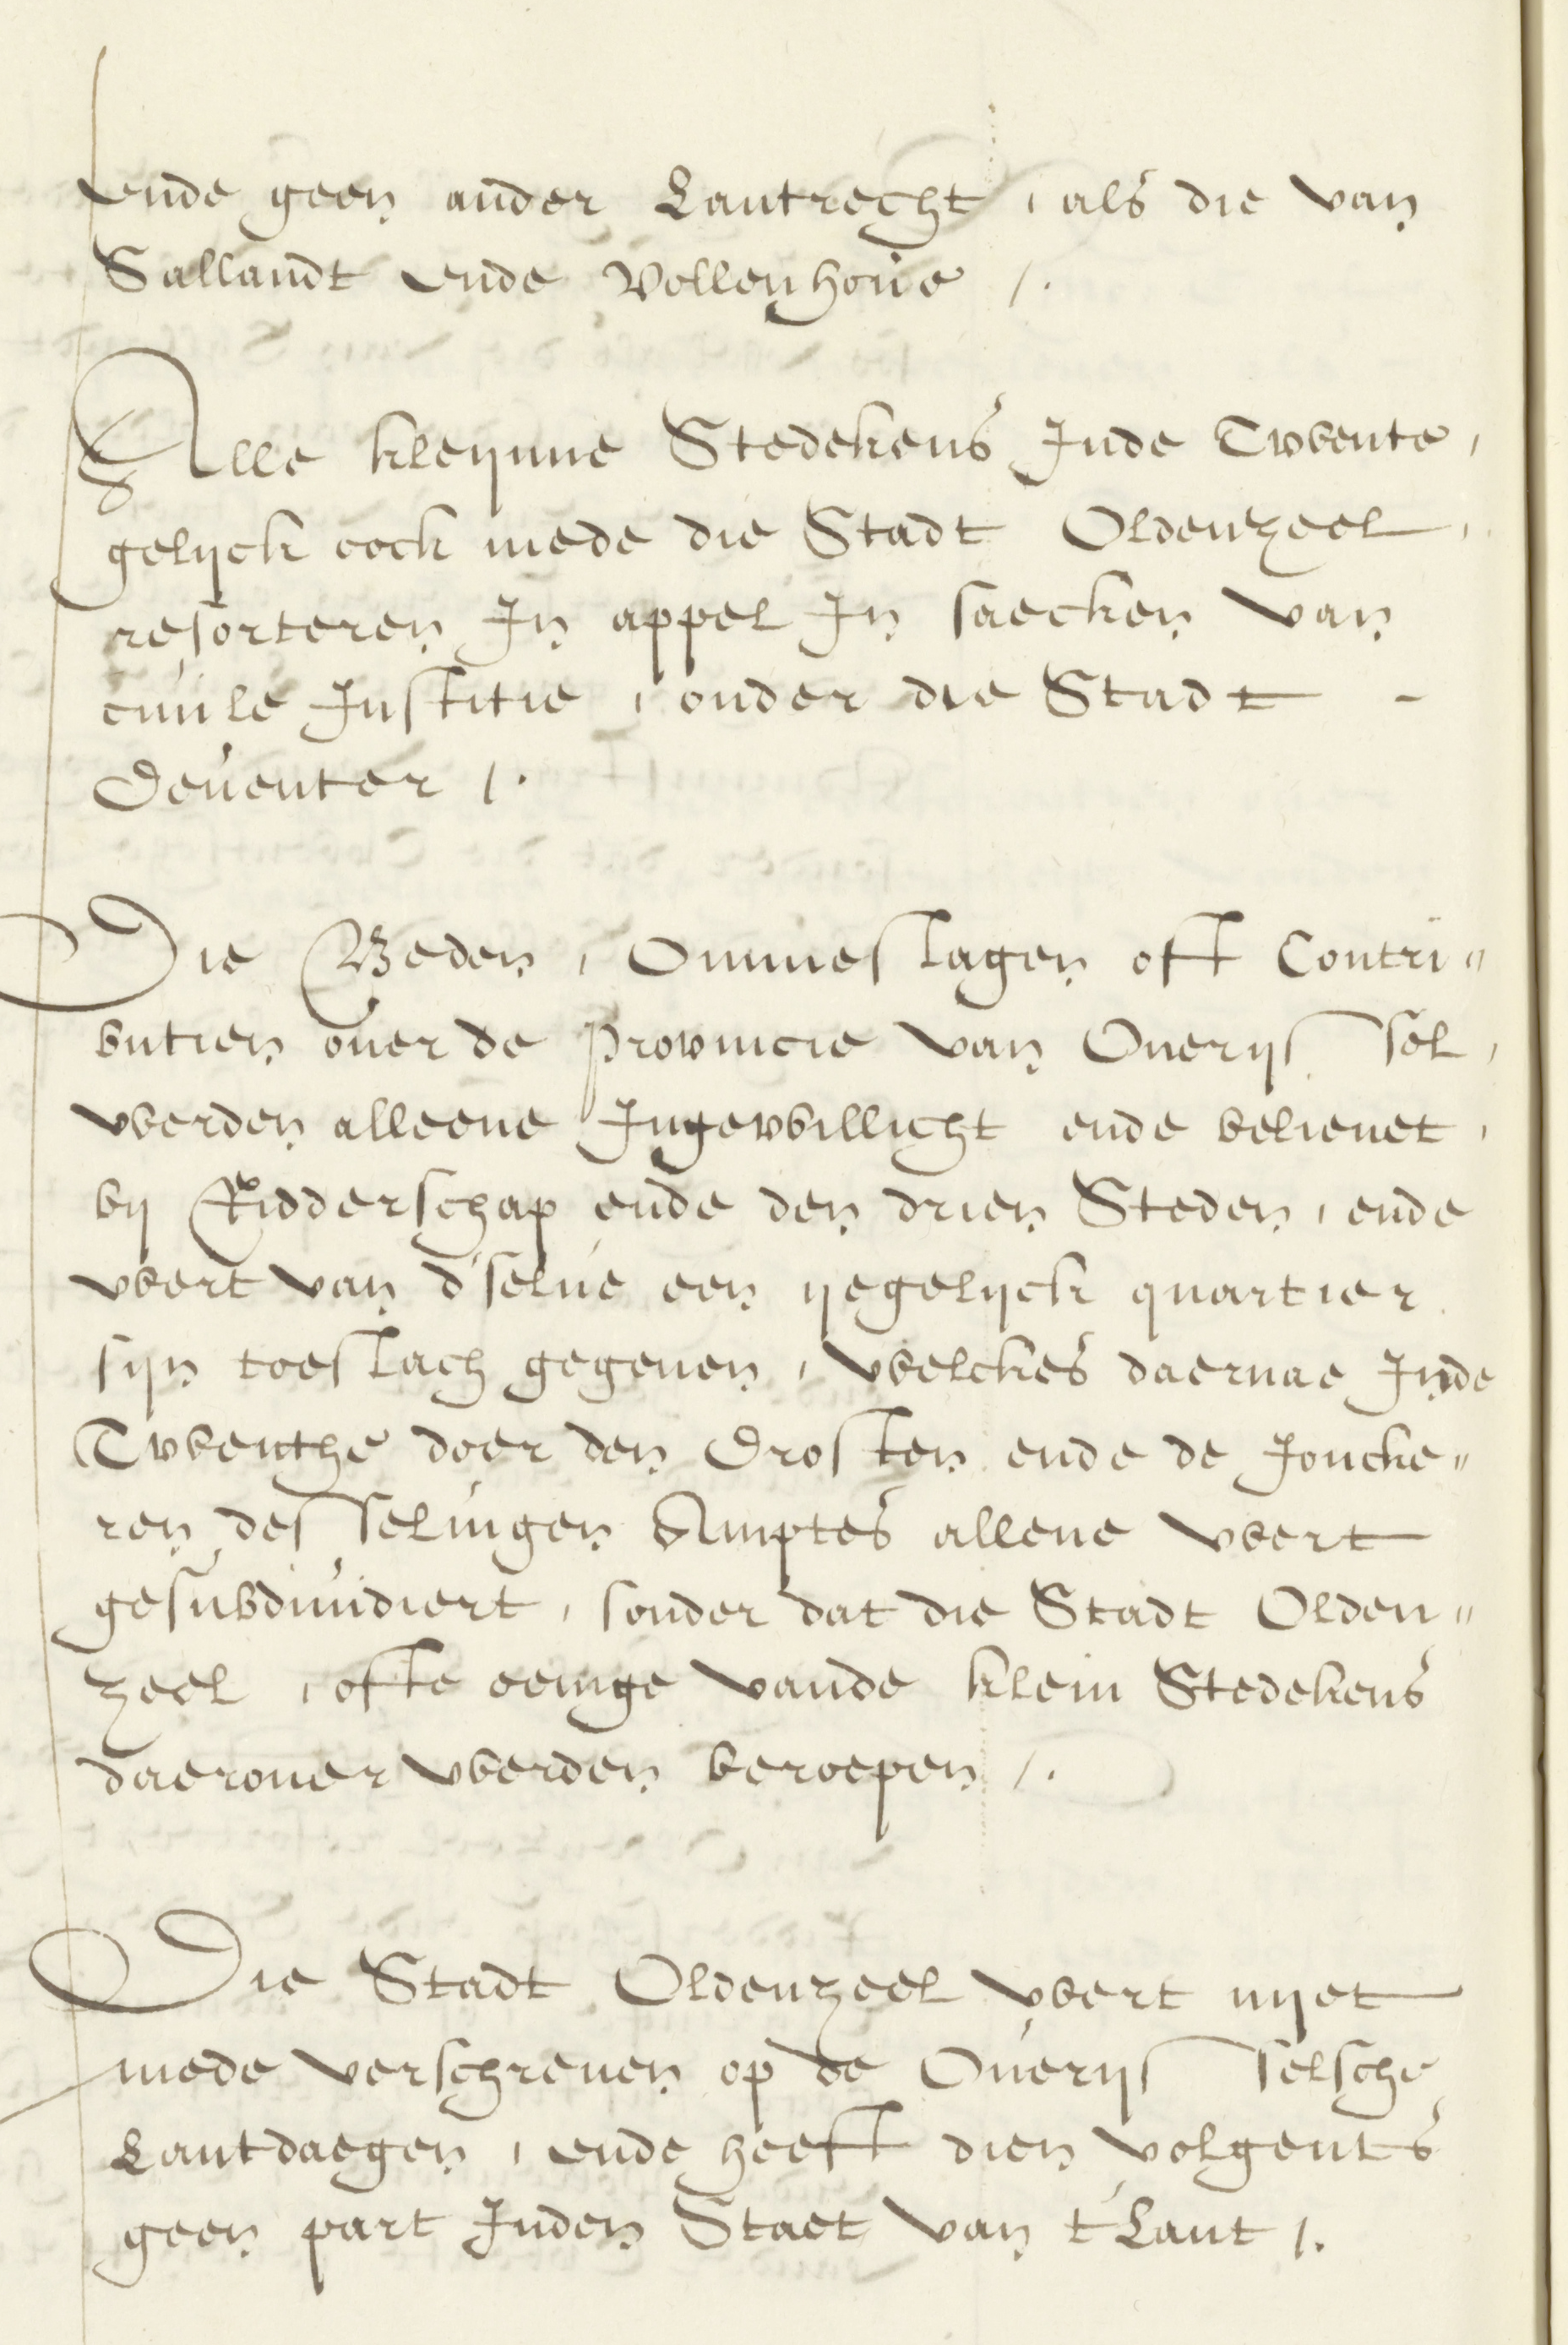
eende geen ander Lantrecht, als die van
Sallandt ende Vollenhove.
Alle kleynne Stedekens Inde Twente,
gelyck oock mede die Stadt Oldenzeel,
resorteren In appel In saecken van
ciuile Justitie, onder die Stadt
Deuenter.
Die Beden, Ommeslagen off Contri„
butien ouer de provincie van Oueryssel,
werden alleene Ingewillicht ende belieuet,
by Ridderschap ende den drien Steden, ende
wert van d'selue een yegelyck quartier
syn toeslach gegeuen, welckes daernae Inde
Twenthe doer den Drosten, ende de Joncke„
ren desselingen Amptes allene wert
gesubdiuidiert, sonder dat die Stadt Olden„
zeel ,ofte eenige vande klein Stedekens
daerouer werden beroepen.
Die Stadt, Oldenzeel wert nyet
mede verschreuen op de Ouerysselsche
Lantdaegen, ende heeft dien volgents
geen part Inden Staet van t'Lant.
